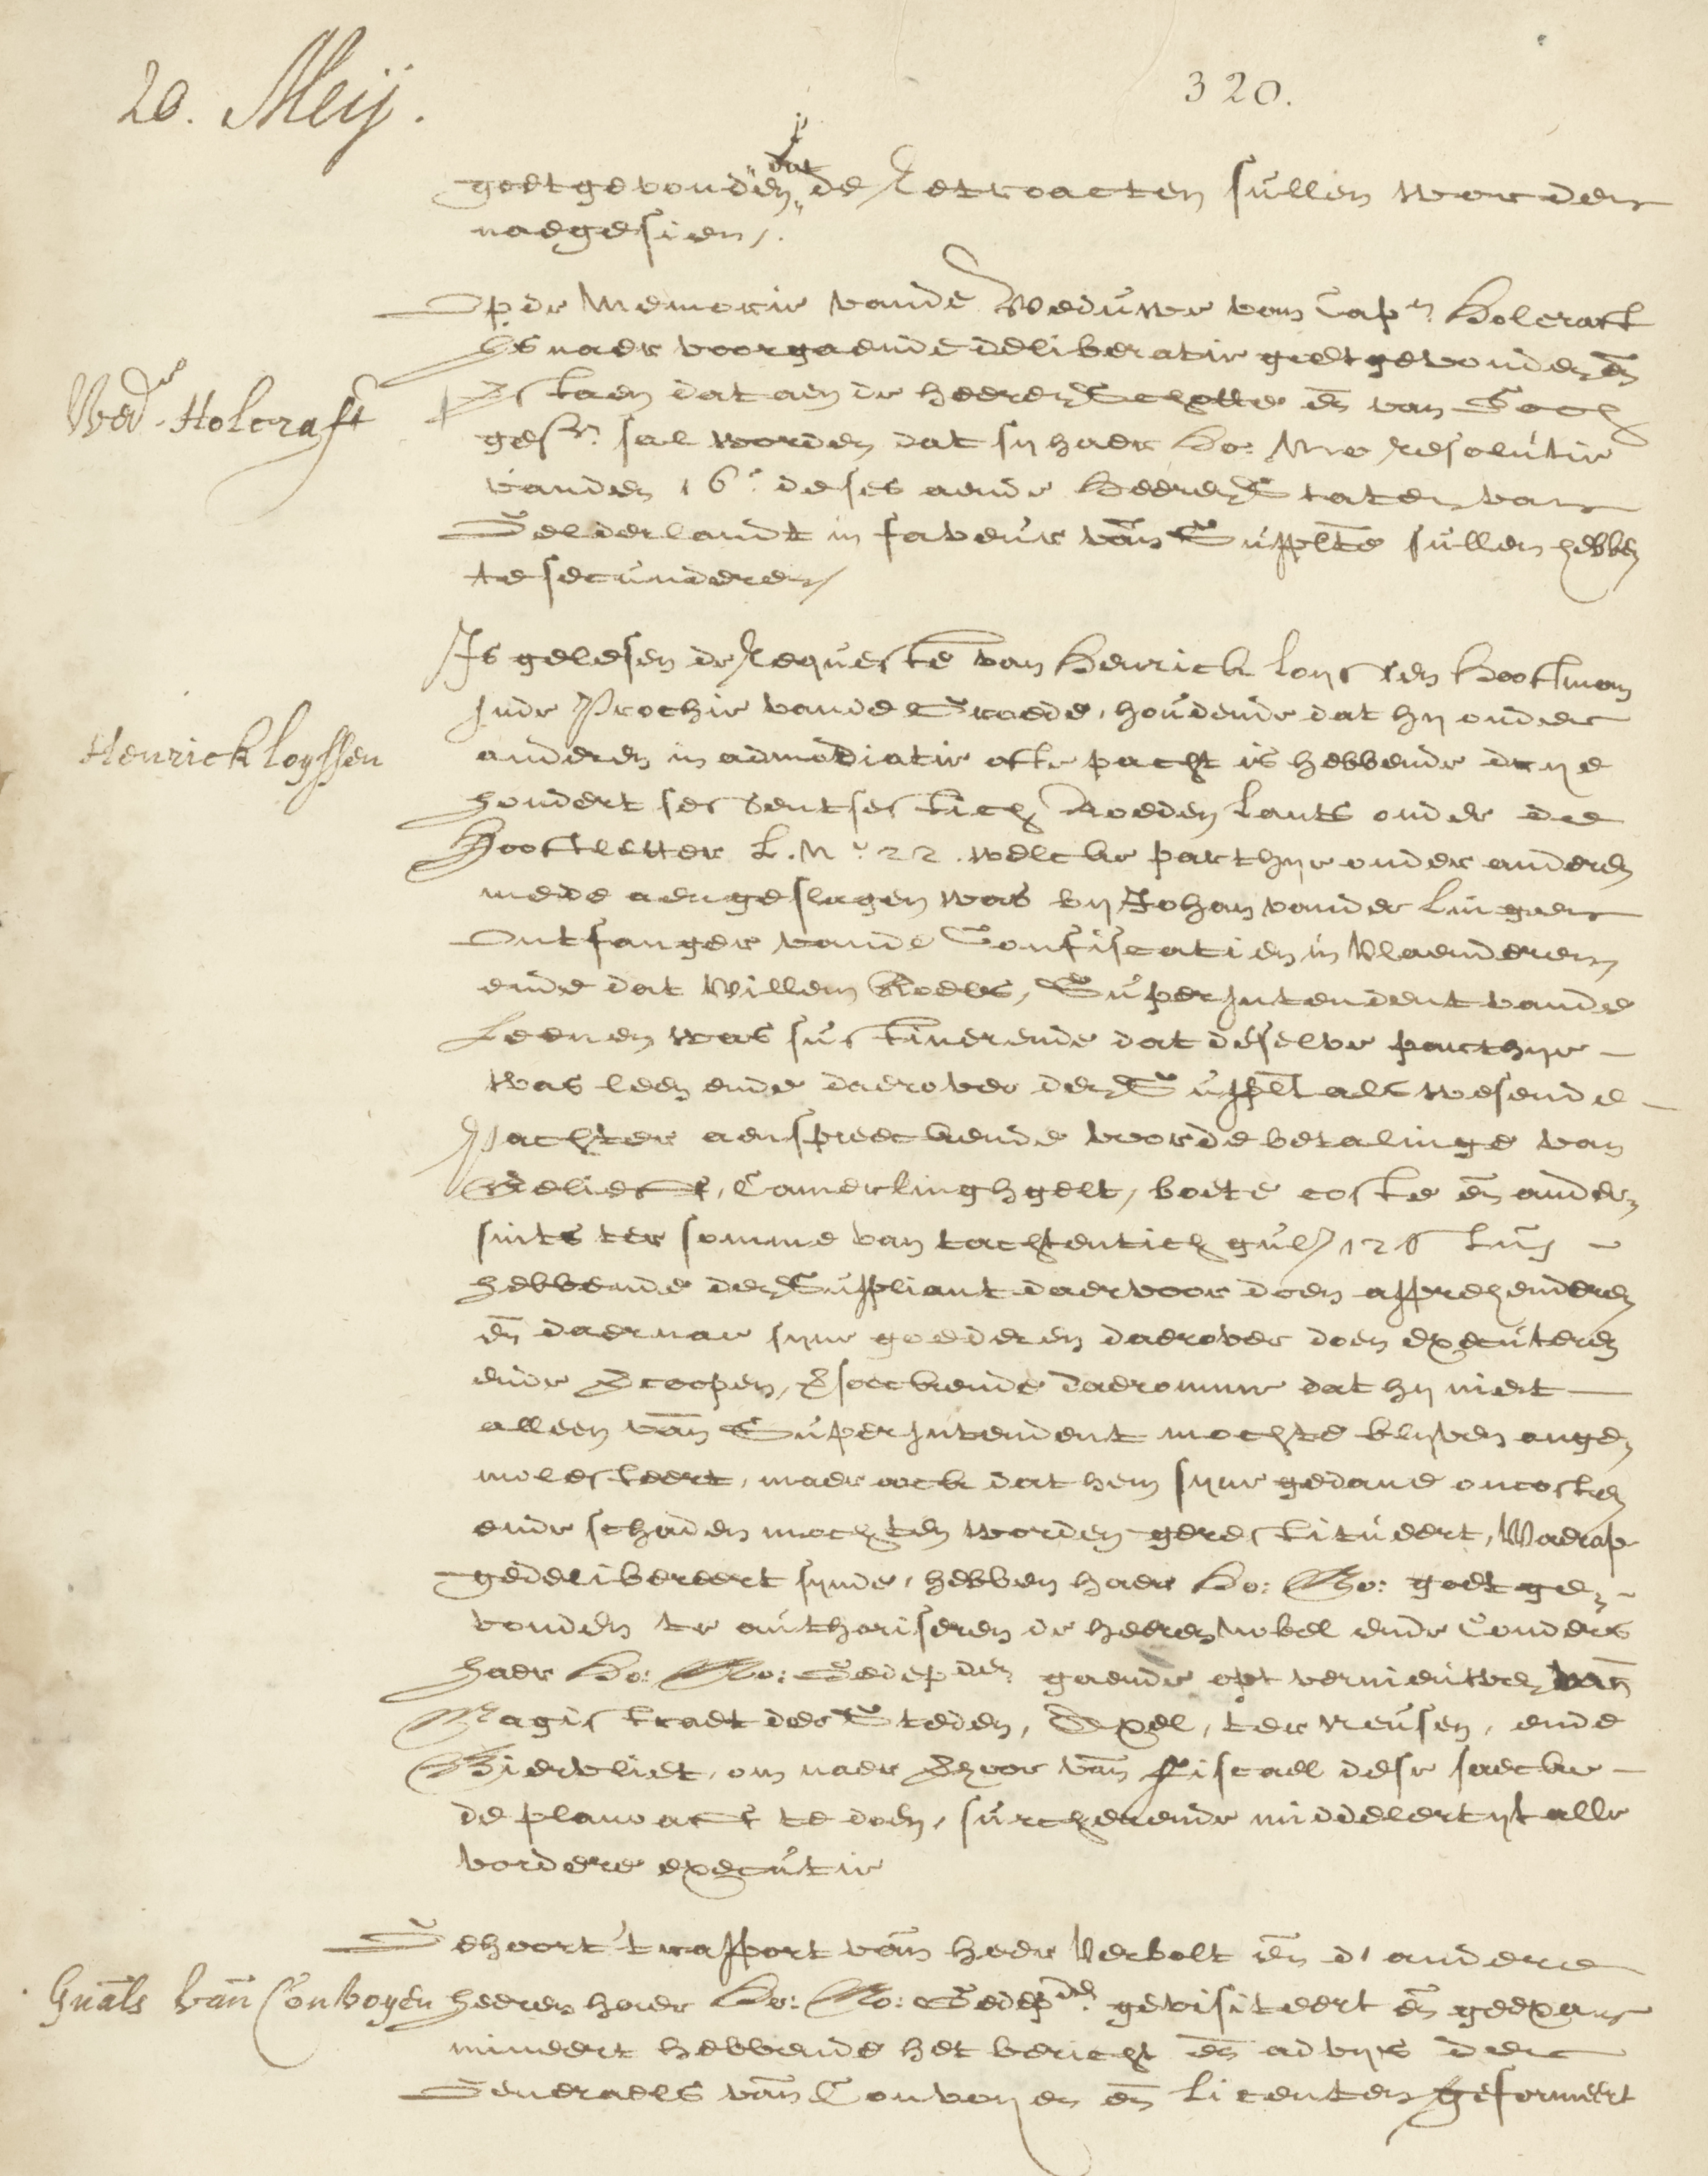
320.
20. Meij.
goetgevonden ,,dat ,, de retroacten sullen worden
naegesien.
Wede, Holcraft
Opde memorie vande weduwe van Capn. Holcraft
Is naer voorgaende deliberatie goetgevonden en
vstaen dat aen de heeren Schotte en van Goch
gesr. sal worden dat sy haer Ho:Mo resolutie
vanden 16e. deses aende Heeren Staten van
Gelderlandt in faveur van Supplte sullen hebben
te secunderen.
Henrick Loyssen
Is gelesen de requeste van Henrick Loyssen Hooftman
Inde Prochie vande Groede, houdende dat hy onder
anderen in admodiatie ofte pacht is hebbende drye
hondert sessentsestich Roeden Lants onder de
Hooftletter L. Nr. 22. welcke parthye onder anderen
mede aengeslagen was by Johan vander Lingen
Ontfanger vande Confiscatien in Vlaenderen,
ende dat Willem Roels, Superintendent vande
Leenen was sustinerende dat deselve parthye
was leen ende daerover den Supplt als wesende
Pachter aenspreeckende voor de betalinge van
Relieff, Camerlinghgelt, boete coste en ander„
sints ter somme van tachtentich gul 12 stuv -
hebbende den Suppliant daervoor doen apprehenderen
en daernae syne goederen daerover doen executeren
ende vcoopen, vsoeckende daeromme dat hy niet
alleen van SuperIntendent mochte blyven onge,,
molesteert, maer oock dat hem syne gedane oncosten
ende schaden mochten worden gerestitueert. Waerop
gedelibereert synde, hebben haer Ho:Mo: goetge,,
vonden te authoriseren de heeren nobel ende Conders
haer Ho:Mo: Gedepden. gaende opt vernieuwen van
Magistraet der Steden, Axel, ter Neusen, ende
Biervliet, om naer vhoor van Fiscael dese saecke
de plano aff te doen, surcherende middelertyt alle
vordere executie
Gnals van Convoyen
Gehoort 'trapport van heer Verbolt en d'andere
heeren haer Ho:Mo: Gedepden. gevisiteert en geexa„
mineert hebbende het bericht en advys der
Generaels van Convoyen en Licenten geformeert
